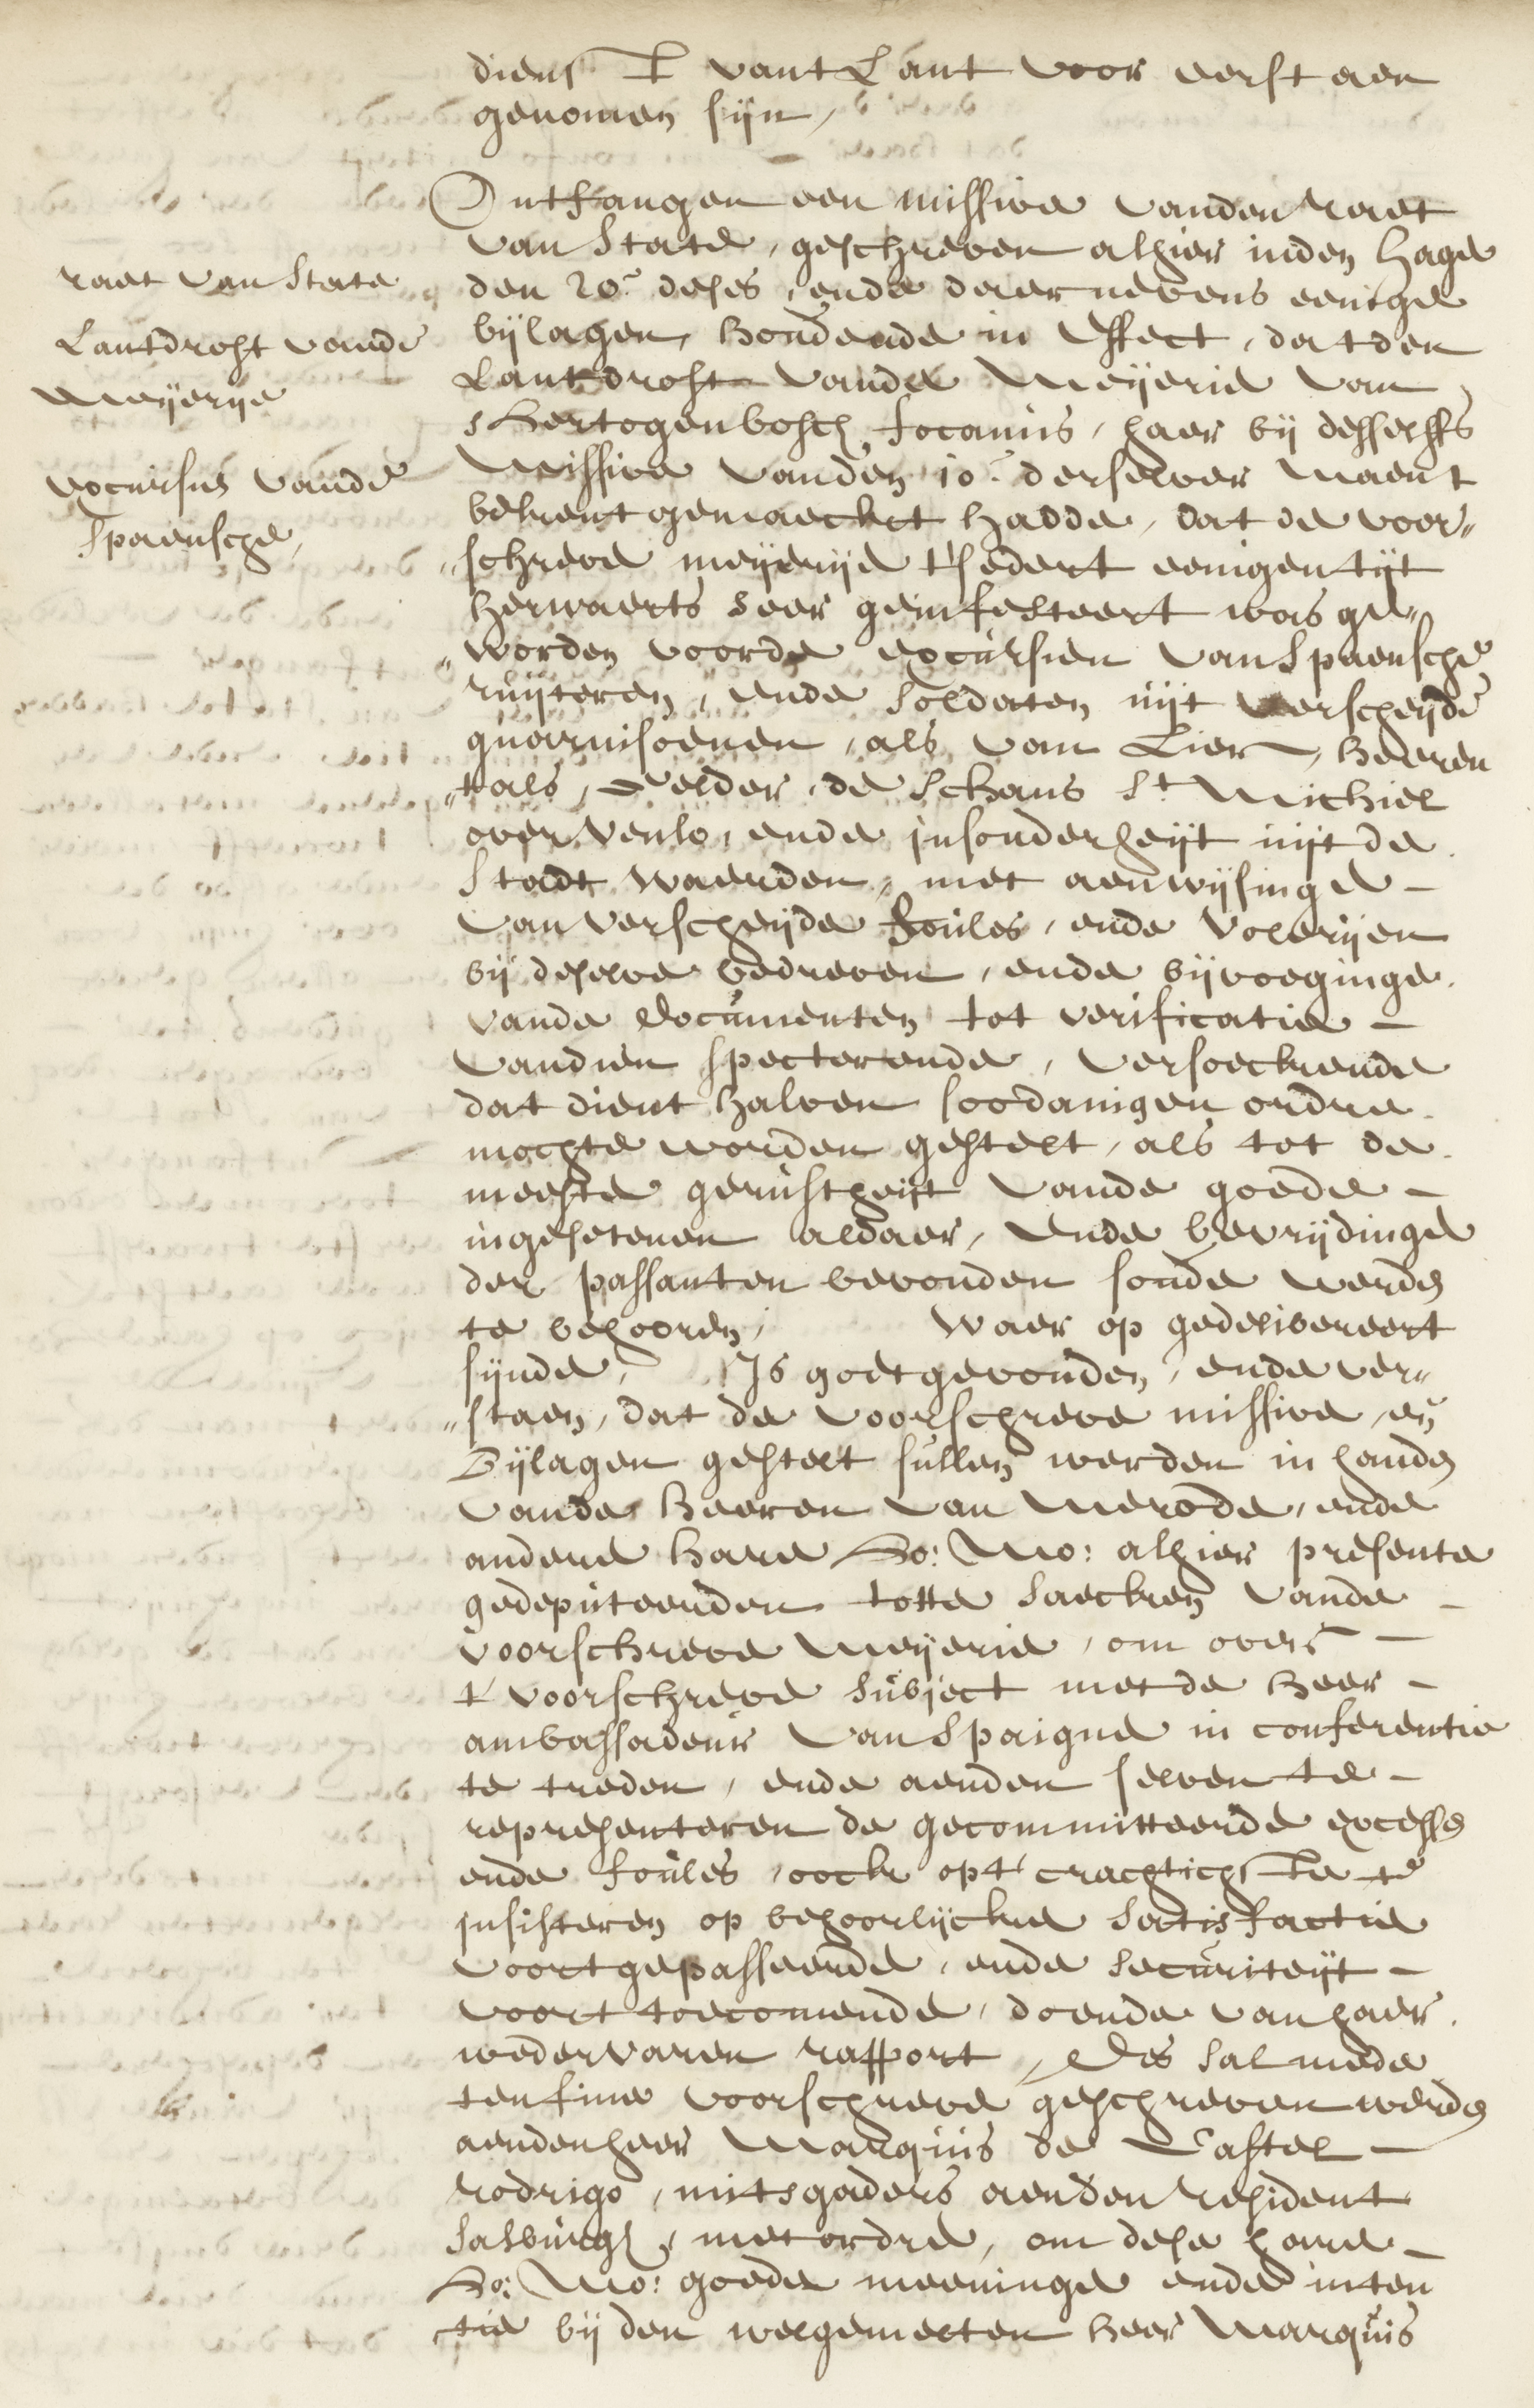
dienst vant Lant voor eerst aen
genomen sijn.
raet van State,
Lantdrost vande
Meijerye
excursien vande
Spaensche,
Ontfangen een missive vanden Raet
van State, geschreven alhier inden Hage
den 20e. deses, ende daernevens eenige
bijlagen, houdende in effect, dat den
Lantdrost vande Meijerie van
sHertogenbosch Focanus, haer bij desselffs
Missive vanden 10e. derselver maent
bekent gemaeckt hadde, dat de voor„
„schreve meijerije t'sedert eenigen tijt
herwaerts seer geinfesteert was ge,,
„worden voorde excursien van spaensche
ruijteren, ende soldaten uijt verscheijde
guarnisoenen, als van Lier, Heeren
„tals, Gelder, de schans st. Michiel
over Venlo, ende insonderheijt uijt de
Stadt Waerden, met aenwijsinge
van verscheijde foules, ende Volerijen
bij deselve bedreven, ende bijvoeginge
vande documenten tot verificatie
vandien specterende. Versoeckende
dat dient halven soodanigen ordre
mochte worden gestelt, als tot de
meeste gerustheijt vande goede -
ingesetenen aldaer, Ende bevrijdinge
der passanten bevonden soude werden
te behooren; Waer op gedelibereert
sijnde, Is goetgevonden, ende ver„
„staen, dat de voorschreve missive, en
Bijlagen gestelt sullen werden in handen
vanden heeren van Merode, ende
andere hare Ho:Mo: alhier presente
gedeputeerden totte saecken vande
voorschreve Meijerie, om over
t' voorschreve subject met de heer
ambassadeur van spaigne in conferentie
te treden, ende aenden selven te
representeren de gecommitteerde excessen
ende foules, oock opt‛ crachtichste te
Insisteren op behoorlijcke satisfactie
voort gepasseerde, ende securiteijt
voort toecomende, doende van haer
wedervaren rapport. Des sal mede
ten fine voorschreve geschreven werden
aenden heer Marquis de Castel
Rodrigo, mitsgaders aen den Resident
Sasburgh, met ordre, om dese hare
Ho:Mo: goede meeninge ende inten
tie bij den welgemelten heer Marquis
